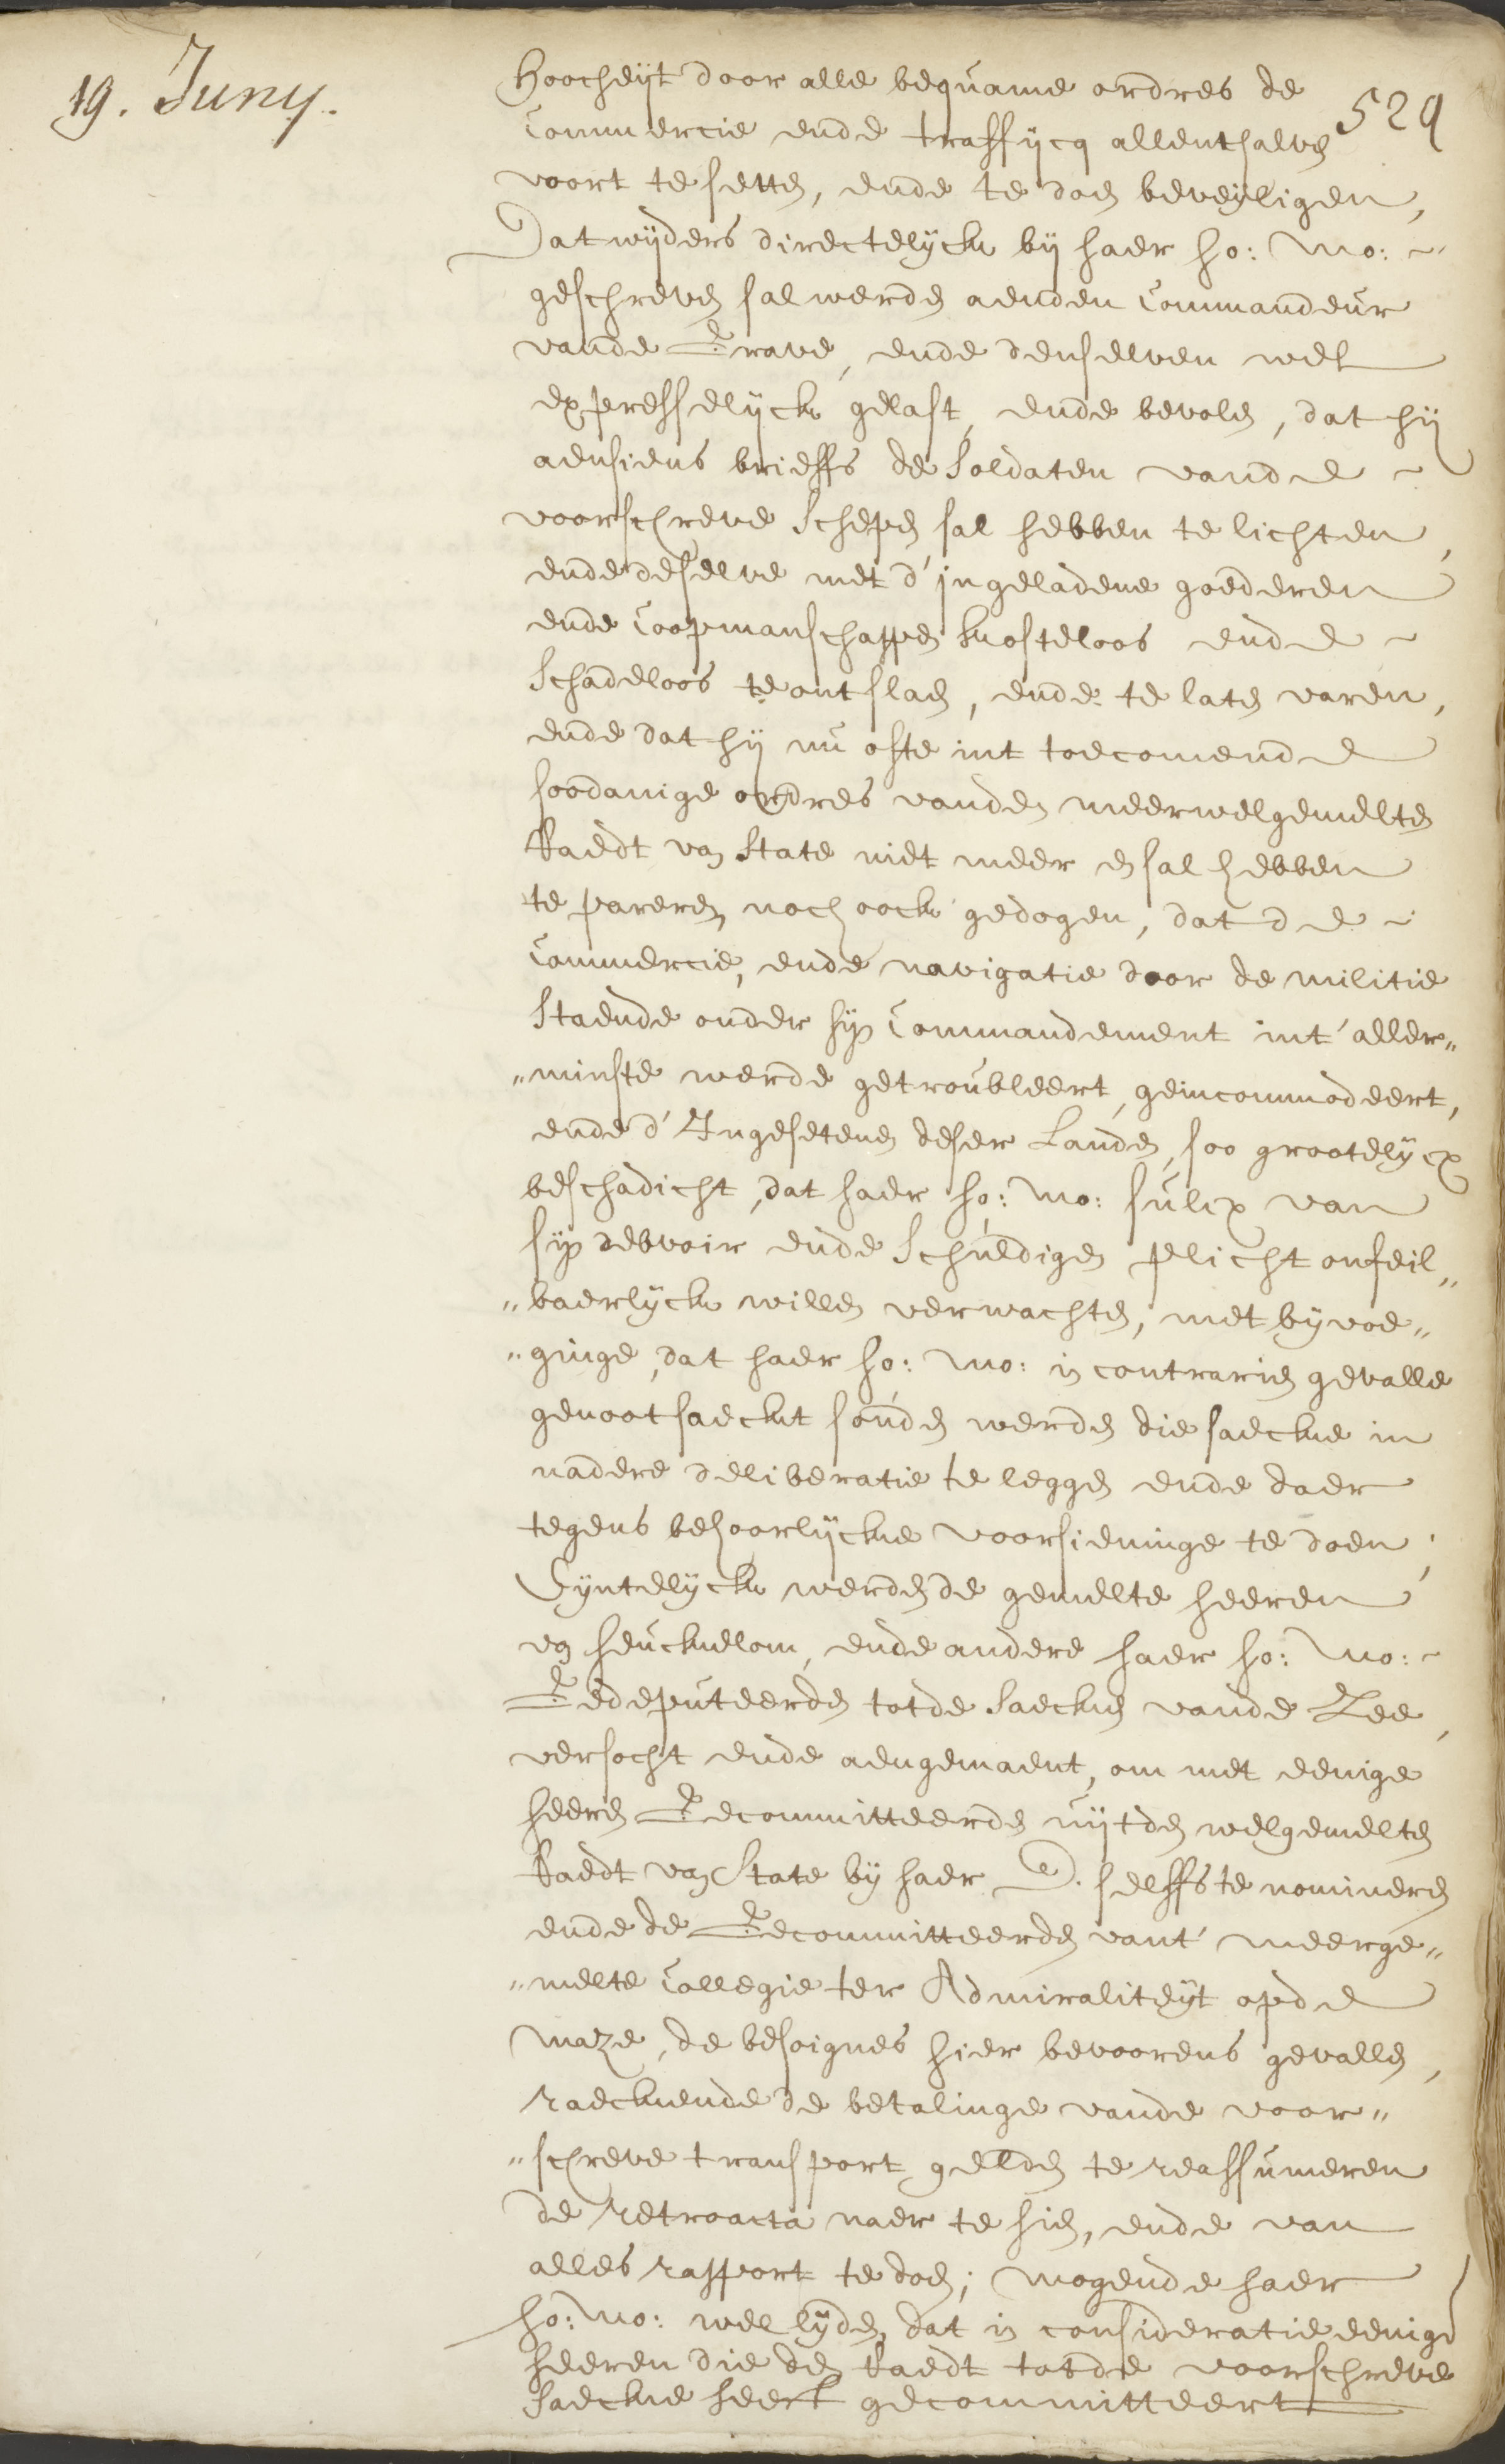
524
19. Juny.
hoocheijt door alle bequame ordres de
Commercie ende traffijcq allenthalven
voort te setten, ende te doen beveijligen.
Dat wijders directelijck bij haer Ho:Mo:
geschreven sal werden aenden Commandeur
vande Grave, ende denselven wel
expresselijck gelast, ende bevolen, dat hij
aensiens brieffs de Soldaten vande
voorschreve Schepen sal hebben te lichten,
ende deselve met d‛ingeladene goederen
ende Coopmanschappen kosteloos ende
schadeloos te ontslaen, ende te laten varen,
ende dat hij nu ofte int toecomende
soodanige ordres vanden meerwelgemelten
Raedt van State niet meer en sal hebben
te pareren, noch oock gedogen, dat de
Commercie, ende navigatie door de militie
Staende onder sijn Commandement int' aller„
„minste werde getroubleert, geincommodeert,
ende d'Ingesetenen deser Landen, soo grootelijcx
beschadicht, dat haer Ho:Mo: sulcx van
sijn debvoir ende Schuldigen plicht onfeil„
„baerlijck willen verwachten, met bijvoe„
„ginge, dat haer Ho:Mo: in contrarien gevalle
genootsaeckt souden werden die saecke in
nadere deliberatie te leggen ende daer
tegens behoorlijcke voorsieninge te doen;
Eijntelijck werden de gemelte heeren
van Heuckelom, ende andere haer Ho:Mo:
Gedeputeerden tot de Saecken vande Zee,
versocht ende aengemaent, om met eenige
heeren Gecommitteerden uijt den welgemelten
Raedt van State bij haer E. selffs te nomineren
ende de Gecommitteerden vant' meerge„
„melte Collegie ter Admiraliteijt opde
maze, de besoignes hier bevoorens gevallen,
raeckende de betalinge vande voor„
„schreve transport gelden te reassumeren
de retroacta naer te sien, ende van
alles rapport te doen; mogende haer
Ho:Mo: wel lijden, dat in consideratie eenige
heeren die de Raedt tot de voorschreve
Saecke heeft gecommitteert
